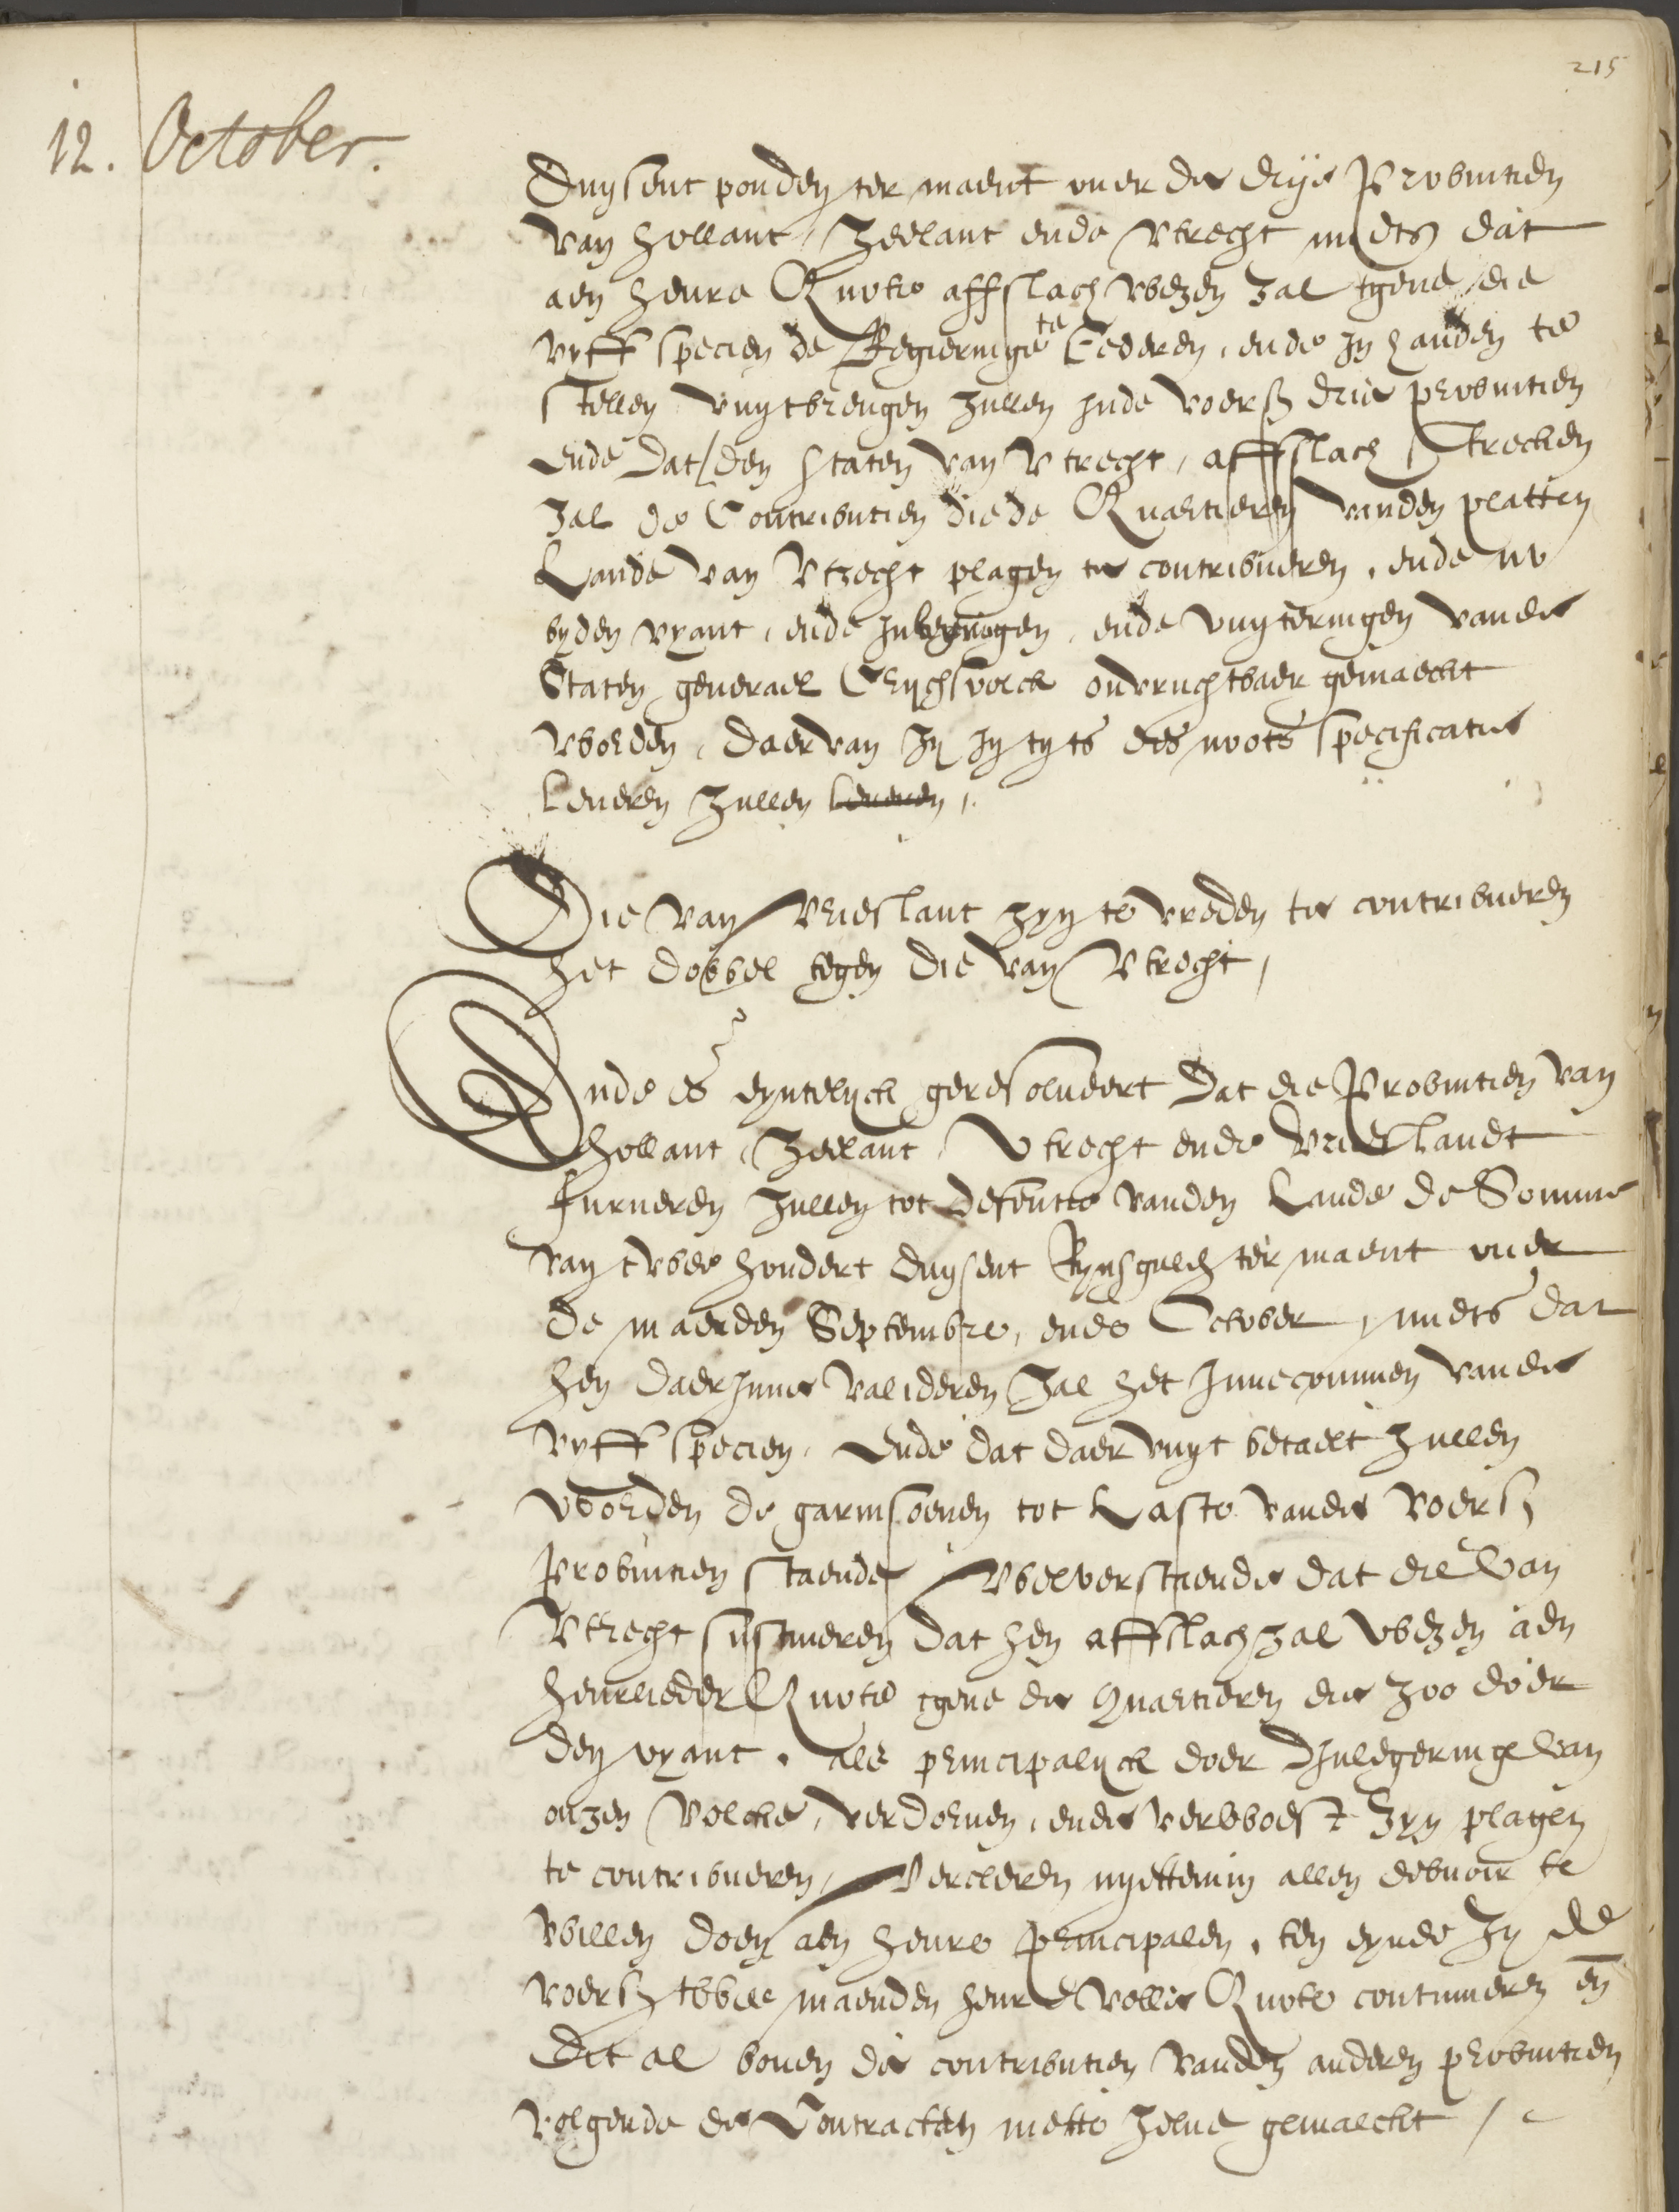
215
12. October.
duysent ponden ter maent over de drije provintien
van Holland, Zeeland ende Utrecht midts dat
aen heure Quote affslach wezen zal tgene die
vyff specien de Regieringete Cederen, ende In handen te
stellen vuytbrengen zullen Inde voers drie provintien
ende dat/den staten van Utrecht, affslach strecken
zal de contributien die de Quartieren vanden platten
Lande van Utrecht plagen te contribueren, ende nu
by den vyant, ende inlegnogen ende vuyteringen vande
Staten Generael Cruychsvolck onvruchtbaer gemaeckt
worden daervan zy Intijts des noots specificatie
leueren zullen leueren.
Die van Vrieslant zyn te vreden te contribueren
het dobbel tegen die van Utrecht.
Ende is eyntelyck geresolueert dat de Provintien van
Hollant, Zeelant, Utrecht ende Vrieslandt
furneren zullen tot defentie vanden Lande de Somme
van twee hondert duysent Rynsguld ter maent vuer
de maenden Septembre ende October, midts dat
hen daerInne valideren zal het Innecommen vande
vyff specien, ende dat daer vuyt betaelt zullen
worden de garnisoenen tot Laste vande voers
provintien staende welverstaende dat die van
Utrecht sustineren dat hen affslach zal werden aen
heurlieder Quote tgene de quartieren die zoo doer
den vyant als principalyck doer dInlegeringe van
onzen volcke, verdoruen, ende verwoest zijn plagen
te contribueren, vercleren nyettemin allen debuoir te
willen doen aen heure principalen, ten eyde zy de
voers twee maende heur volle Quote continueren en
dit al bouen de contributien vanden anderen provintien
volgende de Contracten mette zelve gemaeckt.
